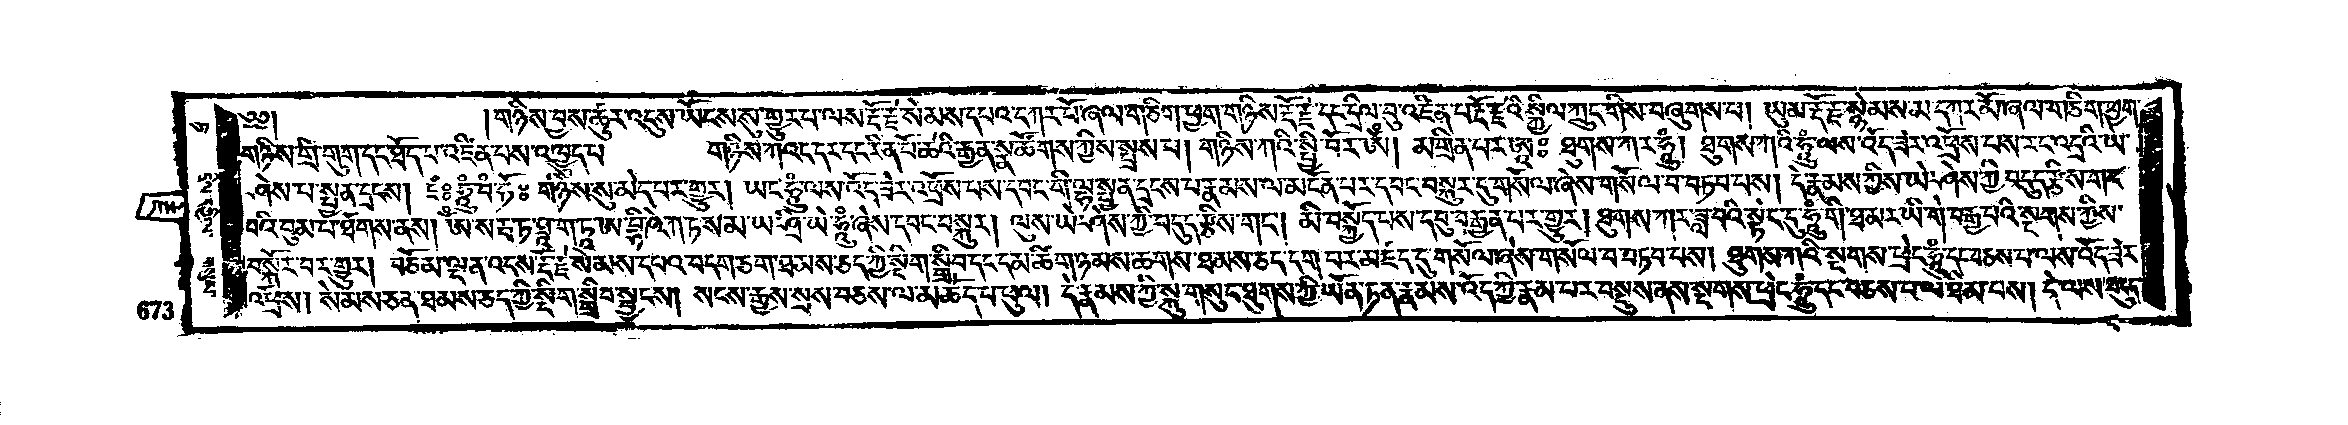༄༅། །གཉིས་བྱས་ཚུར་འདུས་ཡོངས་སུ་གྱུར་པ་ལས་རྡོ་རྗེ་སེམས་དཔའ་དཀར་པོ་ཞལ་གཅིག་ཕྱག་གཉིས་རྡོ་རྗེ་དང་དྲིལ་བུ་འཛིན་པ་རྡོ་རྗེའི་སྐྱིལ་ཀྲུང་གིས་བཞུགས་པ། ཡུམ་རྡོ་རྗེ་སྙེམས་མ་དཀར་མོ་ཞལ་གཅིག་ཕྱག་
གཉིས་གྲི་གུག་དང་ཐོད་པ་འཛིན་པས་འཁྱུད་པ་གཉིས་ཀའང་དར་དང་རིན་པོ་ཆེའི་རྒྱན་སྣ་ཚོགས་ཀྱིས་སྤྲས་པ། གཉིས་ཀའི་སྤྱི་བོར་ཨོཾ། མགྲིན་པར་ཨཱཿ ཐུགས་ཀར་ཧཱུཾ། ཐུགས་ཀའི་ཧཱུཾ་ལས་འོད་ཟེར་འཕྲོས་པས་རང་འདྲའི་ཡེ་
ཤེས་པ་སྤྱན་དྲངས། ཛཿ ཧཱུཾ་བཾ་ཧོཿ གཉིས་སུ་མེད་པར་གྱུར། ཡང་ཧཱུཾ་ལས་འོད་ཟེར་འཕྲོས་པས་དབང་གི་ལྷ་སྤྱན་དྲངས་པ་རྣམས་ལ་མངོན་པར་དབང་བསྐུར་དུ་གསོལ་ཞེས་གསོལ་བ་བཏབ་པས། དེ་རྣམས་ཀྱིས་ཡེ་ཤེས་ཀྱི་བདུད་རྩིས་གང་
བའི་བུམ་པ་ཐོགས་ནས། ཨོཾ་སརྦ་ཏ་ཐཱ་ག་ཏཱ་ཨ་བྷི་ཥེ་ཀ་ཏ་ས་མ་ཡ་ཤྲི་ཡེ་ཧཱུཾ་ཞེས་དབང་བསྐུར། ལུས་ཡེ་ཤེས་ཀྱི་བདུད་རྩིས་གང་། མི་བསྐྱོད་པས་དབུ་བརྒྱན་པར་གྱུར། ཐུགས་ཀར་ཟླ་བའི་སྟེང་དུ་ཧཱུཾ་གི་ཐ་མར་ཡི་གེ་བརྒྱ་པའི་སྔགས་ཀྱིས་
བསྐོར་བར་གྱུར། བཅོམ་ལྡན་འདས་རྡོ་རྗེ་སེམས་དཔའ་བདག་ཅག་ཐམས་ཅད་ཀྱི་སྡིག་སྒྲིབ་དང་དམ་ཚིག་ཉམས་ཆགས་ཐམས་ཅད་དག་པར་མཛད་དུ་གསོལ་ཞེས་གསོལ་བ་བཏབ་པས། ཐུགས་ཀའི་སྔགས་ཕྲེང་ཧཱུཾ་དང་བཅས་པ་ལས་འོད་ཟེར་
འཕྲོས། སེམས་ཅན་ཐམས་ཅད་ཀྱི་སྡིག་སྒྲིབ་སྦྱངས། སངས་རྒྱས་སྲས་བཅས་ལ་མཆོད་པ་ཕུལ། དེ་རྣམས་ཀྱི་སྐུ་གསུང་ཐུགས་ཀྱི་ཡོན་ཏན་རྣམས་འོད་ཀྱི་རྣམ་པར་བསྡུས་ནས་སྔགས་ཕྲེང་ཧཱུཾ་དང་བཅས་པ་ལ་ཐིམ་པས། དེ་ལས་བདུད་